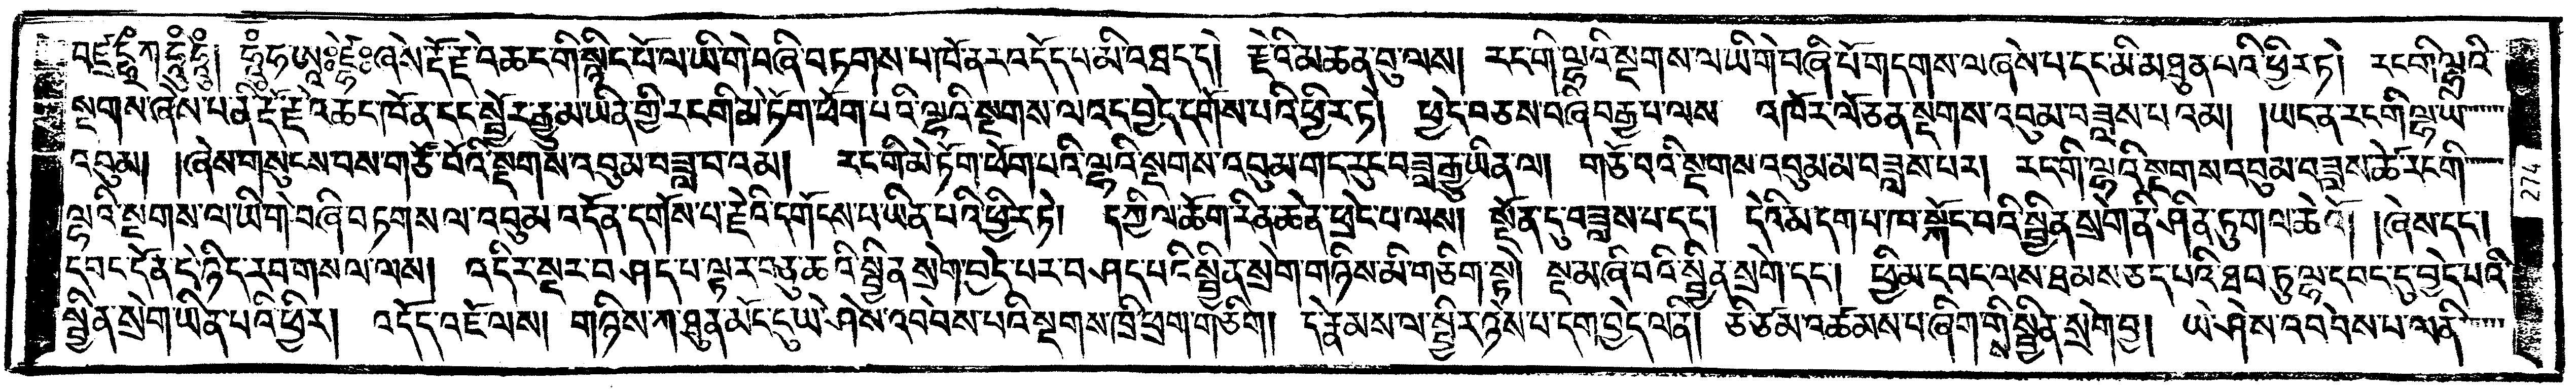བཛྲ་དྷྲྀཀ་ཧཱུཾ་ཧཱུཾ། ཧཱུཾ་ཧ་ཨཱཿཛྷེཿཞེས་རྡོ་རྗེ་འཆང་གི་སྙིང་པོ་ལ་ཡི་གེ་བཞི་བཏགས་པ་ཁོ་ནར་འདོད་པ་མི་འཐད་དེ། རྗེའི་མཆན་བུ་ལས། རང་གི་ལྷའི་སྔགས་ལ་ཡི་གེ་བཞི་པོ་གདགས་ལ་ཞེས་པ་དང་མི་མཐུན་པའི་ཕྱིར་ཏེ། རང་གི་ལྷའི་
སྔགས་ཞེས་པ་ནི་རྡོ་རྗེ་འཆང་ཁོ་ན་དང་སྦྱོར་རྒྱུ་མ་ཡིན་གྱི་རང་གི་མེ་ཏོག་ཕོག་པའི་ལྷའི་སྔགས་ལའང་བྱེད་དགོས་པའི་ཕྱིར་ཏེ། ཕྱེད་བཅས་བཞི་བརྒྱ་པ་ལས། འཁོར་ལོ་ཅན་སྔགས་འབུམ་བཟླས་པ་འམ། །ཡང་ན་རང་གི་ལྷ་ཡི་
འབུམ། །ཞེས་གསུངས་པས་གཙོ་བོའི་སྔགས་འབུམ་བཟླ་བའམ། རང་གི་མེ་ཏོག་ཕོག་པའི་ལྷའི་སྔགས་འབུམ་གང་རུང་བཟླ་རྒྱུ་ཡིན་ལ། གཙོ་བའི་སྔགས་འབུམ་མ་བཟླས་པར། རང་གི་ལྷའི་སྔགས་འབུམ་བཟླས་ཚེ་རང་གི་
ལྷའི་སྔགས་ལ་ཡི་གེ་བཞི་བཏགས་ལ་འབུམ་འདོན་དགོས་པ་རྗེའི་དགོངས་པ་ཡིན་པའི་ཕྱིར་ཏེ། དཀྱིལ་ཆོག་རིན་ཆེན་ཕྲེང་བ་ལས། སྔོན་དུ་བཟླས་པ་དང་། དེའི་མ་དག་པ་ཁ་སྐོང་བའི་སྦྱིན་སྲེག་ནི་ཤིན་ཏུ་གལ་ཆེའོ། །ཞེས་དང་།
དབང་དོན་དེ་ཉིད་རབ་གསལ་ལས། འདིར་སྔར་བཤད་པ་ལྟར་བཅུ་ཆའི་སྦྱིན་སྲེག་བྱེད་པར་བཤད་པའི་སྦྱིན་སྲེག་གཉིས་མི་གཅིག་སྟེ། སྔ་མ་ཞི་བའི་སྦྱིན་སྲེག་དང་། ཕྱི་མ་དབང་ལས་ཐམས་ཅད་པའི་ཐབ་ཏུ་ལྷ་དབང་དུ་བྱེད་པའི་
སྦྱིན་སྲེག་ཡིན་པའི་ཕྱིར། འདོད་འཇོ་ལས། གཉིས་ཀ་ཐུན་མོང་དུ་ཡེ་ཤེས་འབེབས་པའི་སྔགས་ཁྲི་ཕྲག་གཅིག། དེ་རྣམས་ལ་སྤྱིར་ཉེས་པ་དག་བྱེད་ལ་ནི། ཅི་ཙམ་འཚམས་པ་ཞིག་གིས་སྦྱིན་སྲེག་བྱ། ཡེ་ཤེས་འབེབས་པ་ལ་ནི་